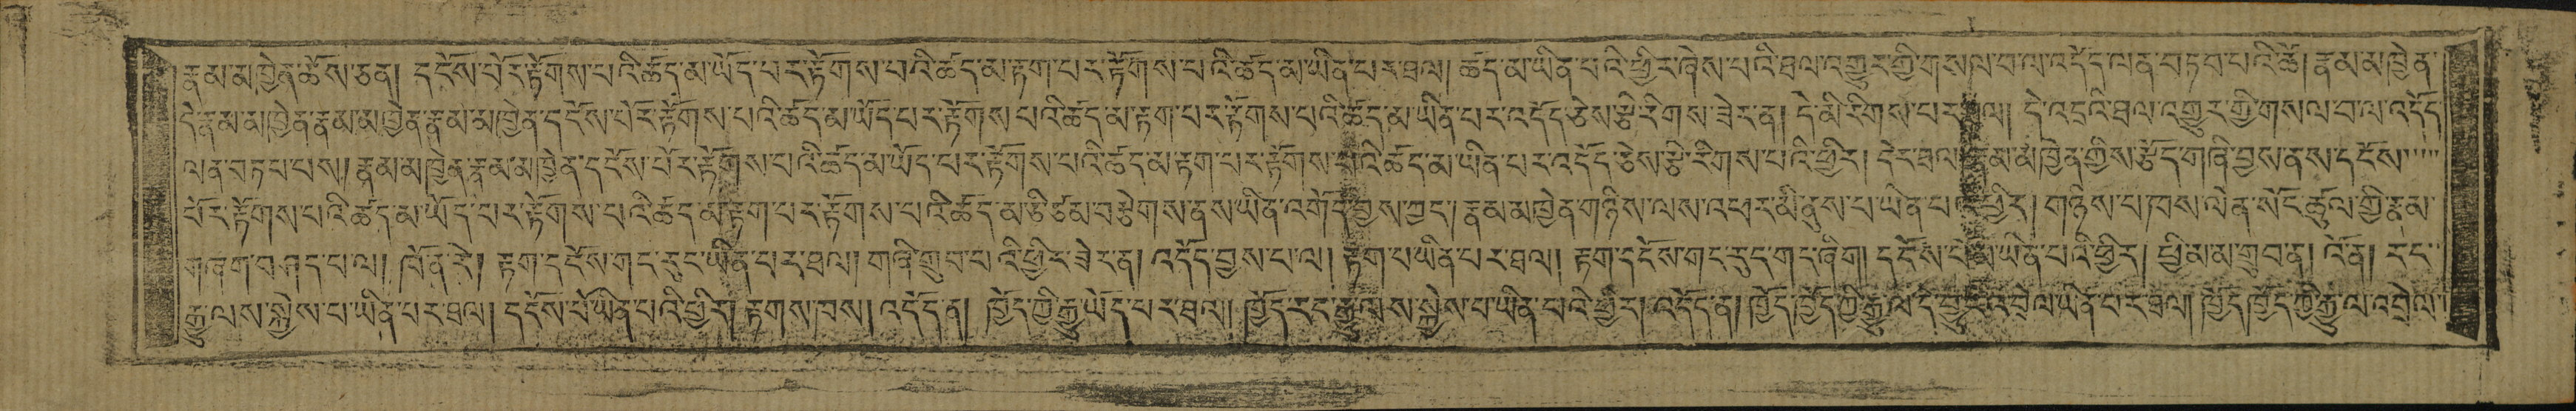རྣམ་མཁྱེན་ཆོས་ཅན། དངོས་པོར་རྟོགས་པའི་ཚད་མ་ཡོད་པར་རྟོགས་པའི་ཚད་མ་རྟག་པར་རྟོགས་པའི་ཚད་མ་ཡིན་པར་ཐལ། ཚད་མ་ཡིན་པའི་ཕྱིར་ཞེས་པའི་ཐལ་འགྱུར་གྱི་གསལ་བ་ལ་འདོད་ལན་བཏབ་པའི་ཚེ། རྣམ་མཁྱེན་
དེ་རྣམ་མཁྱེན་རྣམ་མཁྱེན་རྣམ་མཁྱེན་དངོས་པོར་རྟོགས་པའི་ཚད་མ་ཡོད་པར་རྟོགས་པའི་ཚད་མ་རྟག་པར་རྟོགས་པའི་ཚད་མ་ཡིན་པར་འདོད་ཅེས་རྩི་རིགས་ཟེར་ན། དེ་མི་རིགས་པར་ཐལ། དེ་འདྲའི་ཐལ་འགྱུར་གྱི་གསལ་བ་ལ་འདོད་
ལན་བཏབ་པས། རྣམ་མཁྱེན་རྣམ་མཁྱེན་དངོས་པོར་རྟོགས་པའི་ཚད་མ་ཡོད་པར་རྟོགས་པའི་ཚད་མ་རྟག་པར་རྟོགས་པའི་ཚད་མ་ཡིན་པར་འདོད་ཅེས་རྩི་རིགས་པའི་ཕྱིར། དེར་ཐལ། རྣམ་མཁྱེན་གྱིས་རྩོད་གཞི་བྱས་ནས་དངོས་
པོར་རྟོགས་པའི་ཚད་མ་ཡོད་པར་རྟོགས་པའི་ཚད་མ་རྟག་པར་རྟོགས་པའི་ཚད་མ་ཅི་ཙམ་བརྩེགས་ནས་ཡིན་འགོད་བྱས་ཀྱང་། རྣམ་མཁྱེན་གཉིས་ལས་འཕར་མི་ནུས་པ་ཡིན་པའི་ཕྱིར། གཉིས་པ་ཁས་ལེན་སོང་ཚུལ་གྱི་རྣམ་
གཞག་བཤད་པ་ལ། ཁོ་ན་རེ། རྟག་དངོས་གང་རུང་ཡིན་པར་ཐལ། གཞི་གྲུབ་པའི་ཕྱིར་ཟེར་ན། འདོད་བྱས་པ་ལ། རྟག་པ་ཡིན་པར་ཐལ། རྟག་དངོས་གང་རུང་གང་ཞིག །དངོས་པོ་མ་ཡིན་པའི་ཕྱིར། ཕྱི་མ་མ་གྲུབ་ན། འོ་ན། རང་
རྒྱུ་ལས་སྐྱེས་པ་ཡིན་པར་ཐལ། དངོས་པོ་ཡིན་པའི་ཕྱིར། རྟགས་ཁས། འདོད་ན། ཁྱོད་ཀྱི་རྒྱུ་ཡོད་པར་ཐལ། ཁྱོད་རང་རྒྱུད་ལས་སྐྱེས་པ་ཡིན་པའི་ཕྱིར། འདོད་ན། ཁྱོད་ཁྱོད་ཀྱི་རྒྱུ་ལ་དེ་བྱུང་འབྲེལ་ཡིན་པར་ཐལ། ཁྱོད་ཁྱོད་ཀྱི་རྒྱུ་ལ་འབྲེལ་